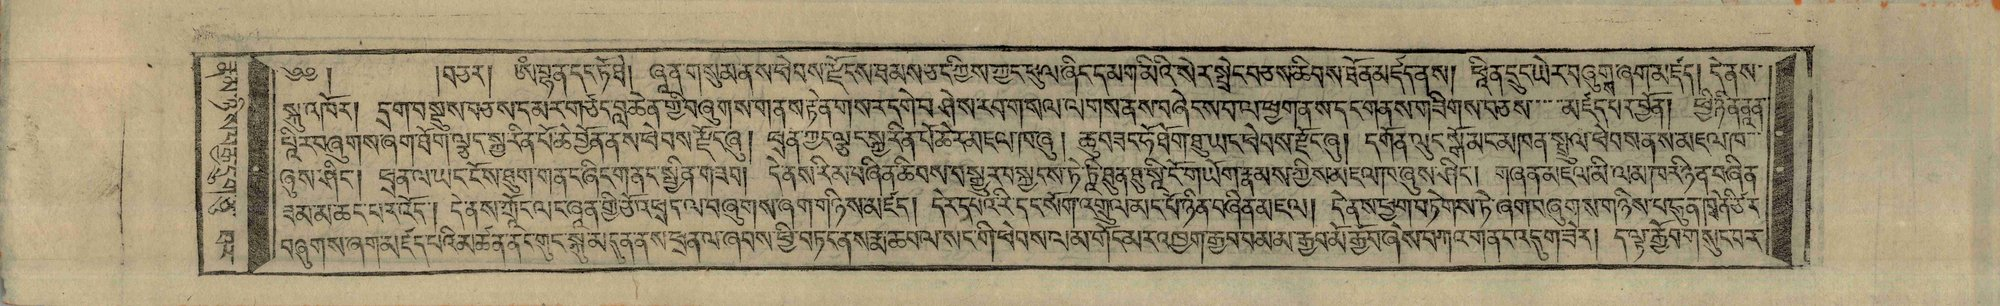༄༅། །བཅར། ཨཾ་བྷན་དང་ཏོ་ཐེ། ཞཱན་གསུམ་ནས་ཕེབས་རྫོངས་ཐམས་ཅད་ཀྱིས་ཀྱང་ཕུལ་ཞིང་དམག་མིའི་སེར་སྤྲེང་བཅས་ཆིབས་ཐོན་མཛད་ནས། ཕཱིན་དྲུང་ཡེར་བཞུགས་ཞག་མཛད། དེ་ནས་
སྐུ་འཁོར། དྲག་བསྡུས་བཅས་དམར་གཙང་བླ་ཆེན་གྱི་བཞུགས་གནས་རྟེན་གསར་དགེ་བཤེས་རབ་གསལ་ལགས་ནས་བཞེངས་པ་ལ་ཕྱག་ནས་དང་གནས་གཟིགས་བཅས་མཛད་པར་བྱོན། ཕྱི་ཉིན་ནཱན་
པཱིར་བཞུགས་ཞག་ཐོག་ལྕང་སྐྱ་རིན་པོ་ཆེ་བྱོན་ནས་ཕེབས་རྫོང་ཞུ། ཕྲན་ཀྱང་ལྕང་སྐྱ་རིན་པོ་ཆེར་མཇལ་ཁ་ཞུ། ཆུ་བཟང་ཧོ་ཐོག་ཐུ་ཡང་ཕེབས་རྫོང་ཞུ། དགོན་ལུང་སྒོ་མང་མཁན་སྤྲུལ་ཕེབས་ནས་མཇལ་ཁ་
ཞུས་ཤིང་། ཕྲན་ལ་ཡང་ངོས་ཐུག་གནང་ཞིང་གནང་སྤྱིན་གཟབ། དེ་ནས་རིམ་བཞིན་ཆིབས་བསྒྱུར་བསྐྱངས་ཏེ་ཏཱི་ཐུན་ཐུ་སཱི་ངོ་གཡོག་རྣམས་ཀྱིས་མཇལ་ཁ་ཞུས་ཤིང་། གཞན་མཇལ་མི་ལམ་ཁར་ཉིན་བཞིན་
ཟམ་མ་ཆང་པར་འོང་། དེ་ནས་ཀརOང་ལང་ཞཱན་གྱི་ཅོ་འཕྲད་ལ་བཞུགས་ཞག་གཉིས་མཛད། དེར་དཔའ་རི་དང་སོག་འགྲུལ་མང་པོ་ཉིན་བཞིན་མཇལ། དེ་ནས་ཕྱག་བཏེགས་ཏེ་ཞག་བཞུགས་གཉིས་པ་ཧུན་ཁྲེན་ཙིར་
བཞུགས་ཞག་མཛད་པའི་མཚན་ནང་གུང་སྐུ་མདུན་ནས་ཕྲན་ལ་ཞབས་ཕྱི་བཏང་ནས་རྨ་ཆབ་ལ་སང་གི་ཕེབས་ལམ་གོང་མར་འཁྱག་རྒྱབ་བམ་མ་རྒྱབ་མོ་རྒྱོབ་ཞེས་བཀའ་གནང་འདུག་ཟེར། ད་ལྟ་རྒྱོབ་གསུང་བར་